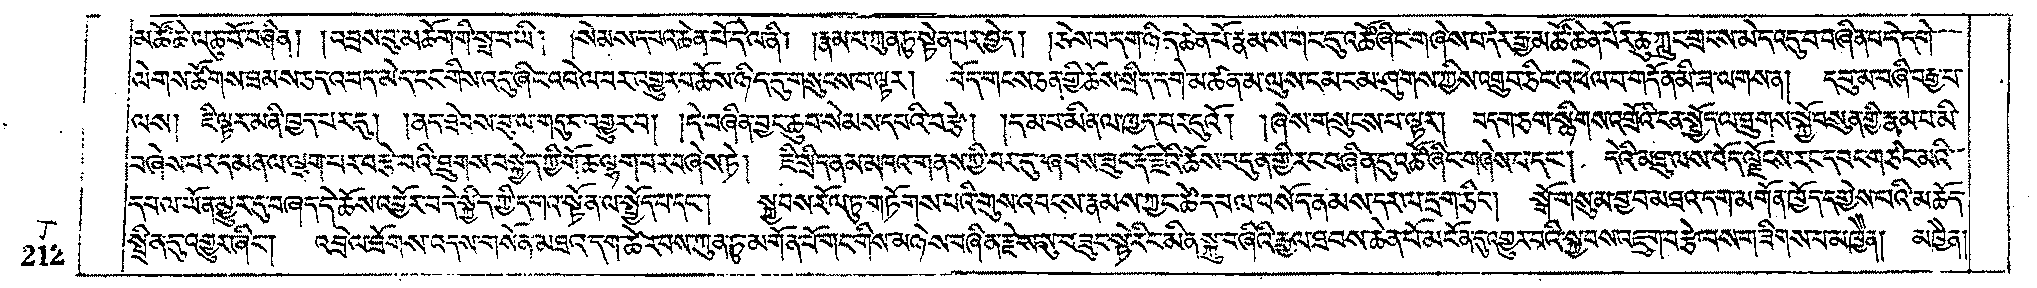མཚོ་ཆེ་ལ་ཆུ་བོ་བཞིན། །འབྲས་བུ་མཆོག་གི་སྤ་བ་ཡི། །སེམས་དཔའ་ཆེན་པོ་དེ་ལ་ནི། །རྣམ་པ་ཀུན་ཏུ་སྟེན་པར་བྱེད། །ཅེས་བདག་ཉིད་ཆེན་པོ་རྣམས་གང་དུ་འཚོ་ཞིང་གཞེས་པ་དེར་རྒྱ་མཚོ་ཆེན་པོར་ཆུ་ཀླུང་གྲངས་མེད་འདུ་བ་བཞིན་བདེ་དགེ་་་
ལེགས་ཚོགས་ཐམས་ཅད་འབད་མེད་ངང་གི་ས་འདུ་ཞིང་འཕེལ་བར་འགྱུར་བ་ཆོས་ཉིད་དུ་གསུངས་པ་ལྟར། བོད་གངས་ཅན་གྱི་ཆོས་སྲིད་དགེ་མཚན་མ་ལུས་ངམ་ངམ་ཤུགས་ཀྱིས་འགྲུབ་ཅིང་འཕེལ་བ་གདོན་མི་ཟ་ལགས་ན། དབུ་མ་བཞི་བརྒྱ་པ་
ལས། ཇི་ལྟར་མ་ནི་ཁྱད་པར་དུ། །ནད་ཐེབས་བུ་ལ་གདུང་འགྱུར་བ། །དེ་བཞིན་བྱང་ཆུབ་སེམས་དཔའི་བརྩེ། །དམ་པ་མིན་ལ་ཁྱད་པར་དུའོ། །ཞེས་གསུངས་པ་ལྟར། བདག་ཅག་སྙིགས་འགྲོའི་ངན་སྤྱོད་ལ་ཐུགས་སྐྱོ་བསུན་གྱི་རྣམ་པ་མི་
བཞེས་པར་དམན་ལ་ལྷག་པར་བརྩེ་བའི་ཐུགས་བསྐྱེད་ཀྱི་གོ་ཆ་ལྷག་པར་བཞེས་ཏེ། ཇི་སྲིད་ནམ་མཁའ་གནས་ཀྱི་བར་དུ ༧ཞབས་ཟུང་རྡོ་རྗེའི་ཆོས་བདུན་གྱི་རང་བཞིན་དུ་འཚོ་ཞིང་གཞེས་པ་དང་། དེའི་མཐུ་ལས་བོད་ལྗོངས་རང་དབང་གཙང་མའི་་་
དཔལ་ཡོན་མྱུར་དུ་བཞད་དེ་ཆོས་འབྱོར་བདེ་སྐྱིད་ཀྱི་དགའ་སྟོན་ལ་སྤྱོད་པ་དང་། སྐྱབས་རོལ་ཏུ་གཏོགས་པའི་གུས་འབངས་རྣམས་ཀྱང་ཚེ་དཔལ་བསོད་ནམས་དར་ལ་དྲག་ཅིང་། སྒོ་གསུམ་བྱ་བ་མཐའ་དག་མགོན་ཁྱོད་དགྱེས་པའི་མཆོད་
སྤྲིན་དུ་འགྱུར་ཞིང་། འབྲེལ་ཐོགས་འདས་གསོན་མཐའ་དག་ཚེ་རབས་ཀུན་ཏུ་མགོན་པོ་གང་གིས་མཉེས་བཞིན་རྗེས་སུ་བཟུང་སྟེ་རིང་མིན་སྐུ་བཞིའི་རྒྱལ་ཐབས་ཆེན་པོ་མངོན་དུ་འགྱུར་བའི་སྐྱབས་འཇུག་བརྩེ་བས་གཟིགས་པ་མཁྱཻཨེན། མཁྱཻན།